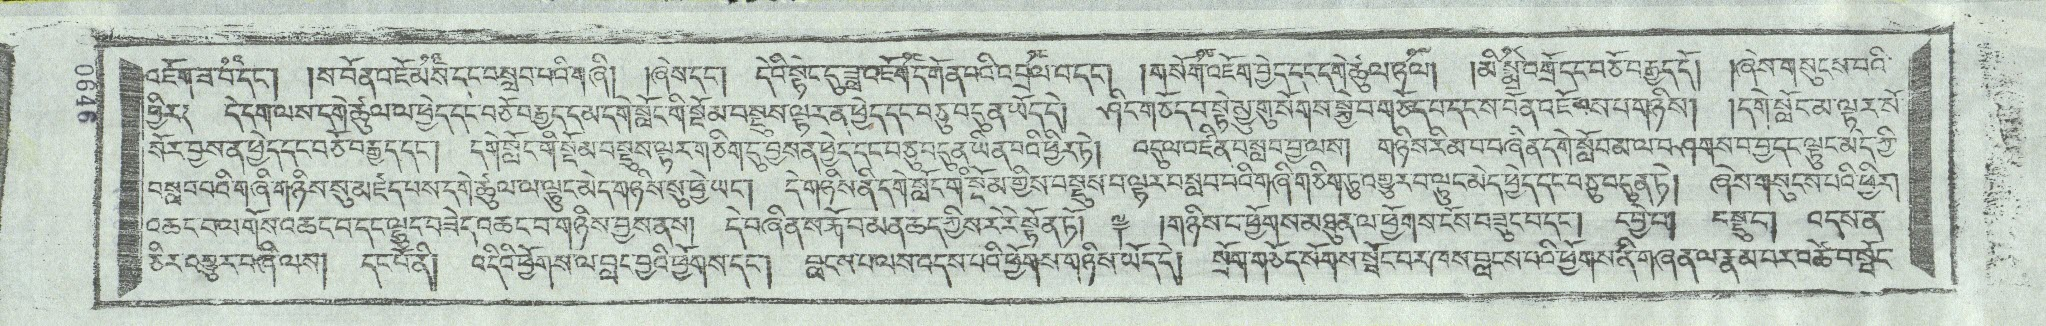འཇོག་ཟ་བ་དང་། །ས་བོན་འཇོམས་དང་བསླབ་པའི་གཞི། །ཞེས་དང་། དེའི་སྟེང་དུ་ཟླ་འཇོག་དགོན་པའི་འབྲལ་བ་དང་། །གསོག་འཇོག་བྱེད་དང་དགེ་ཚུལ་ཉལ། །མི་སྨྲ་འགྲོ་དང་བཅོ་བརྒྱད་དོ། །ཞེས་གསུངས་པའི་
ཕྱིར༑ དེ་དག་ལས་དགེ་ཚུལ་ལ་ཕྱེད་དང་བཅོ་བརྒྱད་དམ་དགེ་སློང་གི་སྡོམ་བསྡུས་ལྟར་ན་ཕྱེད་དང་བཅུ་བདུན་ཡོད་དེ། ཤིང་གཅོད་པ་སྟེ་མྱུ་གུ་སོགས་སྐྱེ་བ་གཅོད་པ་དང་ས་བོན་འཇོམས་པ་གཉིས། །དགེ་སློང་མ་ལྟར་སོ་
སོར་བྱས་ན་ཕྱེད་དང་བཅོ་བརྒྱད་དང་། དགེ་སློང་གི་སྡོམ་བསྡུས་ལྟར་གཅིག་དུ་བྱས་ན་ཕྱེད་དང་བཅུ་བདུན་ཡིན་པའི་ཕྱིར་ཏེ། འདུལ་འཛིན་བསླབ་བྱ་ལས། གཉིས་རིམ་པ་བཞིན་དགེ་སློབ་མ་ལ་བཤགས་པ་བྱ་དང་ལྟུང་མེད་ཀྱི་
བསླབ་པའི་གཞི་གཉིས་སུ་མཛད་པས་དགེ་ཚུལ་ལ་ལྟུང་མེད་གཉིས་སུ་ཕྱེ་ཡང་། དེ་གཉིས་ནི་དགེ་སློང་གི་སྡོམ་གྱིས་བསྡུས་པ་ལྟར་བསླབ་པའི་གཞི་གཅིག་ཏུ་འགྱུར་བ་ལྟུང་མེད་ཕྱེད་དང་བཅུ་བདུན་ཏེ། ཞེས་གསུངས་པའི་ཕྱིར།
འཆད་བ་ལ་གོས་འཆང་བ་དང་ལྷུང་བཟེད་འཆང་བ་གཉིས་བྱས་ནས། དེ་བཞིན་ས་རྐོ་བ་མན་ཆད་ཀྱིས་རེ་རེ་སྟོན་ཏོ། ༈ །གཉིས་པ་ཕྱོགས་མཐུན་ལ་ཕྱོགས་ངོས་བཟུང་བ་དང་། དབྱེ་བ། བསྡུ་བ། འདས་ན་
ཅིར་འགྱུར་བཞི་ལས། དང་པོ་ནི། འདིའི་ཕྱོགས་ལ་བླང་བྱའི་ཕྱོགས་དང་། བླངས་པ་ལས་འདས་པའི་ཕྱོགས་གཉིས་ཡོད་དེ། སྲོག་གཅོད་སོགས་སྤོང་བར་ཁས་བླངས་པའི་ཕྱོགས་ནི་གཞན་ལ་རྣམ་པར་འཚེ་བ་སྤོང་